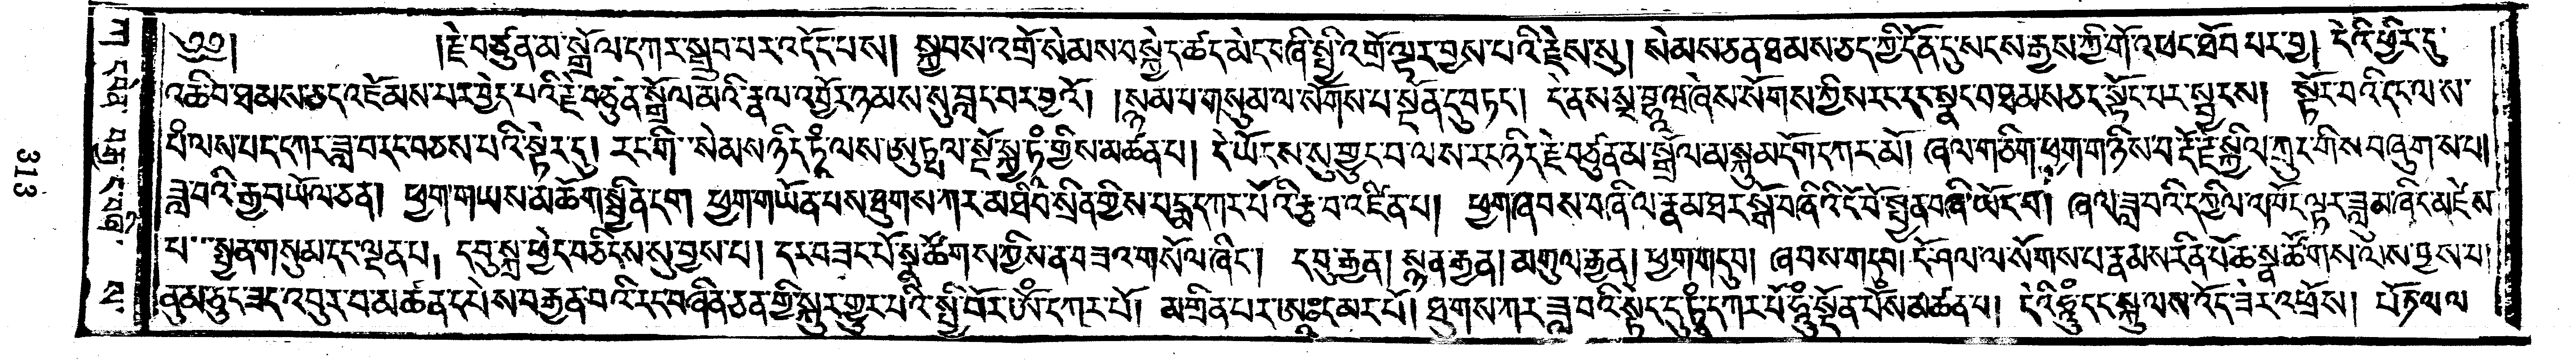༄༅། །རྗེ་བཙུན་མ་སྒྲོལ་དཀར་སྒྲུབ་པར་འདོད་པས། སྐྱབས་འགྲོ་སེམས་བསྐྱེད་ཚད་མེད་བཞི་སྤྱི་འགྲོ་ལྟར་བྱས་པའི་རྗེས་སུ། སེམས་ཅན་ཐམས་ཅད་ཀྱི་དོན་དུ་སངས་རྒྱས་ཀྱི་གོ་འཕང་ཐོབ་པར་བྱ། དེའི་ཕྱིར་དུ་
འཆི་བ་ཐམས་ཅད་འཇོམས་པར་བྱེད་པའི་རྗེ་བཙུན་སྒྲོལ་མའི་རྣལ་འབྱོར་ཉམས་སུ་བླང་བར་བྱའོ། །སྙམ་པ་གསུམ་ལ་སོགས་པ་སྔོན་དུ་བཏང་། དེ་ནས་སྭ་བྷཱ་ཝ་ཞེས་སོགས་ཀྱིས་རང་དང་སྣང་བ་ཐམས་ཅད་སྟོང་པར་སྦྱངས། སྟོར་བའི་དང་ལ་ས་
པཾ་ལས་པད་དཀར་ཟླ་བ་དང་བཅས་པའི་སྟེར་དུ། རང་གི་སེམས་ཉིད་ཏཱཾ་ལས་ཨུཏྤལ་སྔོ་སྐྱ་ཏཱཾ་གྱིས་མཚན་པ། དེ་ཡོངས་སུ་གྱུད་བ་ལས་རང་ཉིད་རྗེ་བཙུན་མ་སྒྲོལ་མ་སྐུ་མདོག་དཀར་མོ། ཞལ་གཅིག་ཕྱག་གཉིས་བ་རྡོ་རྗེ་སྐྱིལ་ཀྲུང་གིས་བཞུག་ས་པ།
ཟླ་བའི་རྒྱབ་ཡོལ་ཅན། ཕྱག་གཡས་མཆོག་སྦྱིན་དག་ཕྱག་གཡོན་པས་ཐུགས་ཀར་མཐིབ་སྲིན་གྱིས་པདམ་དཀར་པོའི་རྩ་བ་འཛིན་པ། ཕྱག་ཞབས་བཞི་ལ་རྣམ་ཐར་སྒོ་བཞིའི་ངོ་བོ་སྤྱན་བཞི་ཡོང་བ། ཞལ་ཟླ་བའི་དཀྱིལ་འཁོར་ལྟར་ཟླུམ་ཞིང་མཛེས་
པ་སྤྱན་གསུམ་དང་ལྡན་པ། དབུ་སྐྲ་ཕྱེད་བཅིངས་སུ་བྱས་པ། དར་བཟང་པོ་སྣ་ཚོགས་ཀྱིས་ན་བཟའ་གསོལ་ཞིང་། དབུ་རྒྱན། སྙན་རྒྱན། མགུལ་རྒྱན། ཕྱག་གདུབ། ཞབས་གདུབ། དོ་ཤལ་ལ་སོགས་པ་རྣམས་རིན་པོ་ཆ་སྣ་ཚོགས་ལས་བྱས་པ།
ནུ་མ་ཅུང་ཟད་འབུར་བ་མཚན་དཔེས་བརྒྱན་བའི་རང་བཞིན་ཅན་གྱི་སྐུར་གྱུར་པའི་སྤྱི་བོར་ཨོཾ་དཀར་པོ། མགྲིན་པར་ཨཱཿ དམར་པོ། ཐུགས་ཀར་ཟླ་བའི་སྟེང་དུ་ཏཱཾ་དཀར་པོ་ཧཱུཾ་སྔོན་པོས་མཚན་པ། དེའི་ཧཱུཾ་དང་སྐུ་ལས་འོད་ཟེར་འཕྲོས། པོ་ཏ་ལལ་